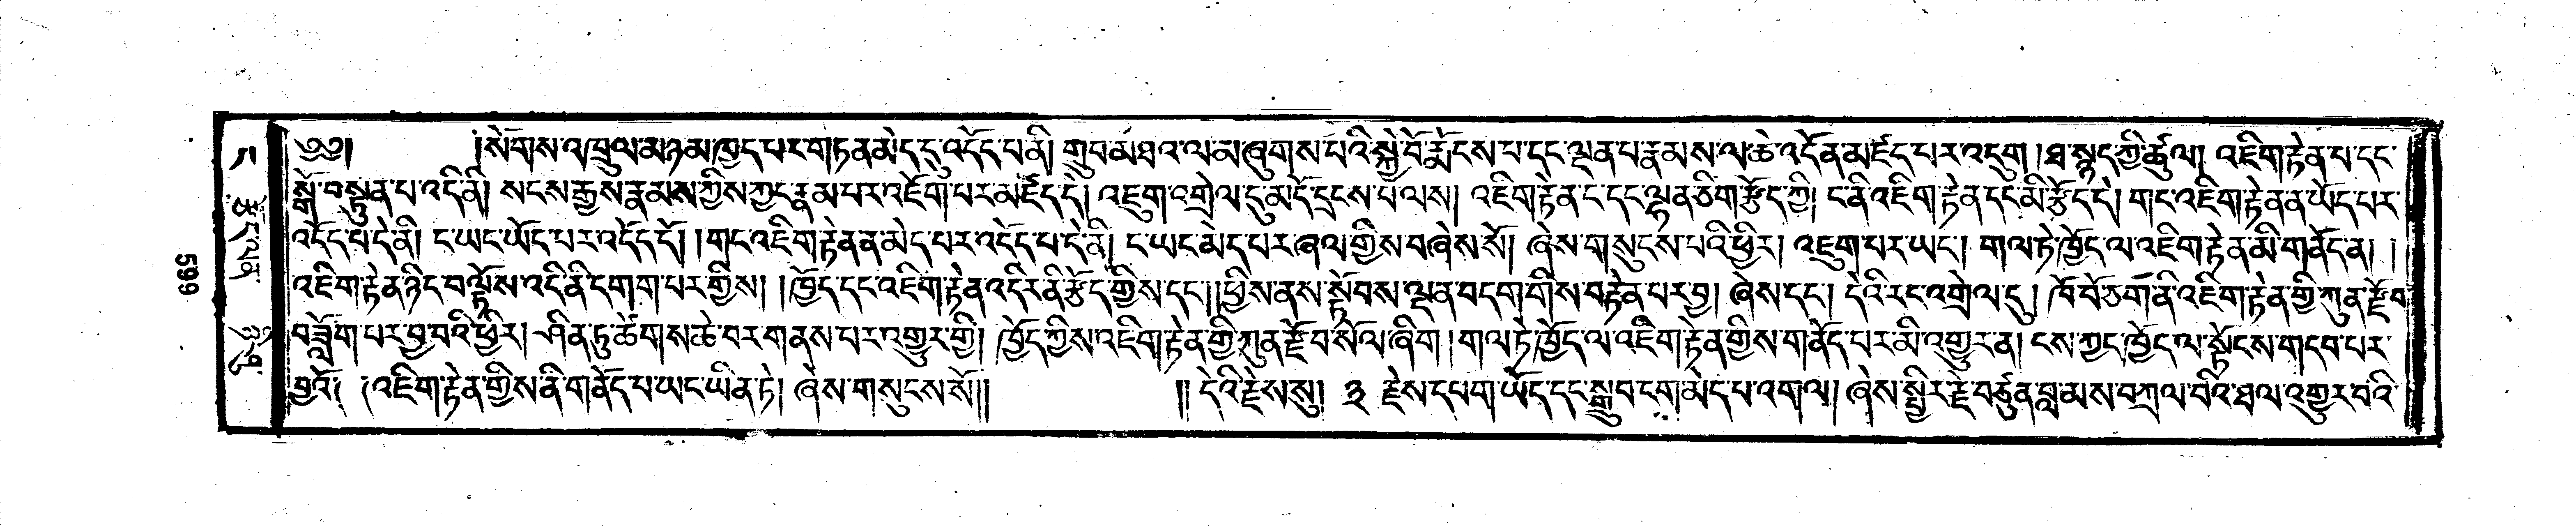༄༅། །སོགས་འཁྲུལ་མཉམ་ཁྱད་པར་གཏན་མེད་དུ་འདོད་པ་ནི། གྲུབ་མཐའ་ལ་མ་ཞུགས་པའི་སྐྱེ་བོ་རྨོངས་པ་དང་ལྡན་པ་རྣམས་ལ་ཆེ་འདོན་མཛད་པར་འདུག །ཐ་སྙད་ཀྱི་ཚུལ། འཇིག་རྟེན་པ་དང་
སྒོ་བསྟུན་པ་འདི་ནི། སངས་རྒྱས་རྣམས་ཀྱིས་ཀྱང་རྣམ་པར་འཇོག་པར་མཛད་དེ། འཇུག་འགྲེལ་དུ་མདོ་དྲངས་པ་ལས། འཇིག་རྟེན་ང་དང་ལྷན་ཅིག་རྩོད་ཀྱི། ང་ནི་འཇིག་རྟེན་དང་མི་རྩོད་དེ། གང་འཇིག་རྟེན་ན་ཡོད་པར་
འདོད་པ་དེ་ནི། ང་ཡང་ཡོད་པར་འདོད་དོ། །གང་འཇིག་རྟེན་ན་མེད་པར་འདོད་པ་དེ་ནི། ང་ཡང་མེད་པར་ཞལ་གྱིས་བཞེས་སོ། ཞེས་གསུངས་པའི་ཕྱིར། འཇུག་པར་ཡང་། གལ་ཏེ་ཁྱོད་ལ་འཇིག་རྟེན་མི་གནོད་ན། །
འཇིག་རྟེན་ཉིད་བལྟོས་འདི་ནི་དགག་པར་གྱིས། །ཁྱོད་དང་འཇིག་རྟེན་འདིར་ནི་རྩོད་གྱིས་དང་། །ཕྱིས་ནས་སྟོབས་ལྡན་བདག་གིས་བརྟེན་པར་བྱ། ཞེས་དང་། དེའི་རང་འགྲེལ་དུ། ཁོ་བོ་ཅག་ནི་འཇིག་རྟེན་གྱི་ཀུན་རྫོབ་
བཟློག་པར་བྱ་བའི་ཕྱིར། ཤིན་ཏུ་ཚེགས་ཆེ་བར་གནས་པར་འགྱུར་གྱི། ཁྱོད་ཀྱིས་འཇིག་རྟེན་གྱི་ཀུན་རྫོབ་སོལ་ཞིག །གལ་ཏེ་ཁྱོད་ལ་འཇིག་རྟེན་གྱིས་གནོད་པར་མི་འགྱུར་ན། ངས་ཀྱང་ཁྱོད་ལ་སྟོངས་གདབ་པར་
བྱའོ༑ ༑འཇིག་རྟེན་གྱིས་ནི་གནོད་པ་ཡང་ཡིན་ཏེ། ཞེས་གསུངས་སོ།། །།དེའི་རྗེས་སུ། ༣་རྗེས་དཔག་ཡོད་དང་སྒྲུབ་ངག་མེད་པ་འགལ། ཞེས་སྤྱིར་རྗེ་བཙུན་བླ་མས་བཀྲལ་བའི་ཐལ་འགྱུར་བའི་